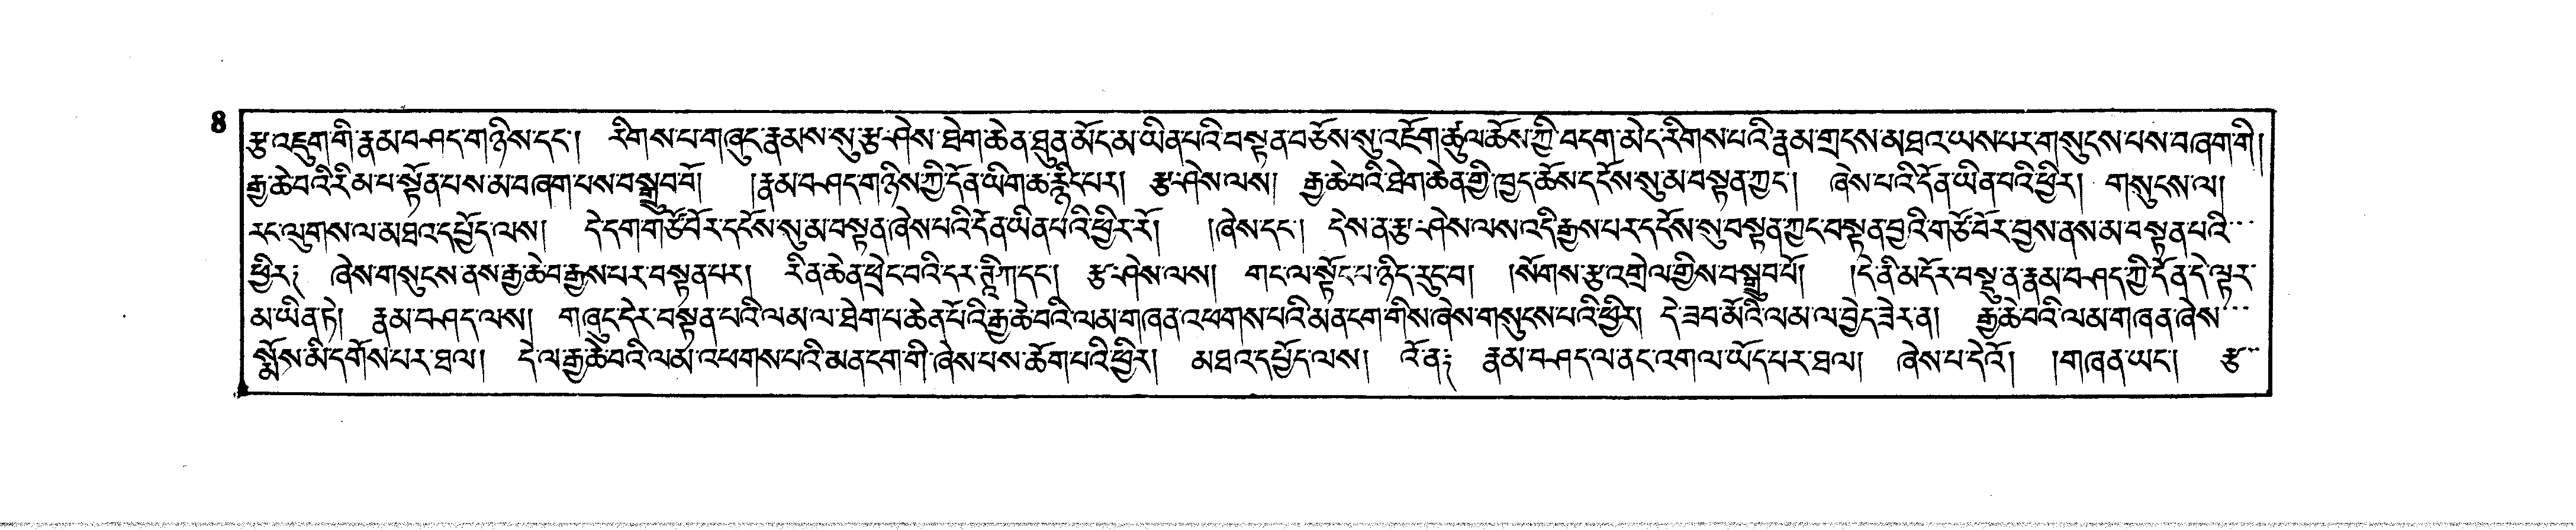རྩ་འཇུག་གི་རྣམ་བཤད་གཉིས་དང་། རིགས་པ་གཞུང་རྣམས་སུ་རྩ་ཤེས་ཐེག་ཆེན་ཐུན་མོང་མ་ཡིན་པའི་བསྟན་བཅོས་སུ་འཇོག་ཚུལ་ཆོས་ཀྱི་བདག་མེད་རིགས་པའི་རྣམ་གྲངས་མཐའ་ཡས་པར་གསུངས་པས་བཞག་གི།
རྒྱ་ཆེ་བའི་རིམ་པ་སྟོན་པས་མ་བཞག་པས་བསྒྲུབ་བོ། །རྣམ་བཤད་གཉིས་ཀྱི་དོན་ཡིག་ཆ་རྙིང་པར། རྩ་ཤེས་ལས། རྒྱ་ཆེ་བའི་ཐེག་ཆེན་གྱི་ཁྱད་ཆོས་དངོས་སུ་མ་བསྟན་ཀྱང་། ཞེས་པའི་དོན་ཡིན་པའི་ཕྱིར། གསུངས་ལ།
རང་ལུགས་ལ་མཐའ་དཔྱོད་ལས། དེ་དག་གཙོ་བོར་དངོས་སུ་མ་བསྟན་ཞེས་པའི་དོན་ཡིན་པའི་ཕྱིར་རོ། །ཞེས་དང་། དེས་ན་རྩ་ཤེས་ལས་འདི་རྒྱས་པར་དངོས་སུ་བསྟན་ཀྱང་བསྟན་བྱའི་གཙོ་བོར་བྱས་ནས་མ་བསྟན་པའི་
ཕྱི༑ ཞེས་གསུངས་ནས་རྒྱ་ཆེ་བ་རྒྱས་པར་བསྟན་པར། རིན་ཆེན་ཕྲེང་བའི་དར་ཊཱིཀ་དང་། རྩ་ཤེས་ལས། གང་ལ་སྟོང་པ་ཉིད་རུང་བ། །སོགས་རྩ་འགྲེལ་གྱིས་བསྒྲུབ་པོ། །དེ་ནི་མདོར་བསྡུ་ན་རྣམ་བཤད་ཀྱི་དོན་དེ་ལྟར་
མ་ཡིན་ཏེ། རྣམ་བཤད་ལས། གཞུང་དེར་བསྟན་པའི་ལམ་ལ་ཐེག་པ་ཆེན་པོའི་རྒྱ་ཆེ་བའི་ལམ་གཞན་འཕགས་པའི་མན་ངག་གིས་ཞེས་གསུངས་པའི་ཕྱིར། དེ་ཟབ་མོའི་ལམ་ལ་བྱེད་ཟེར་ན། རྒྱ་ཆེ་བའི་ལམ་གཞན་ཞེས་
སྨོས་མི་དགོས་པར་ཐལ། དེ་ལ་རྒྱ་ཆེ་བའི་ལམ་འཕགས་པའི་མན་ངག་གི་ཞེས་པས་ཆོག་པའི་ཕྱིར། མཐའ་དཔྱོད་ལས། འོ་ན༑ རྣམ་བཤད་ལ་ནང་འགལ་ཡོད་པར་ཐལ། ཞེས་པ་དེའོ། །གཞན་ཡང་། རྩ་